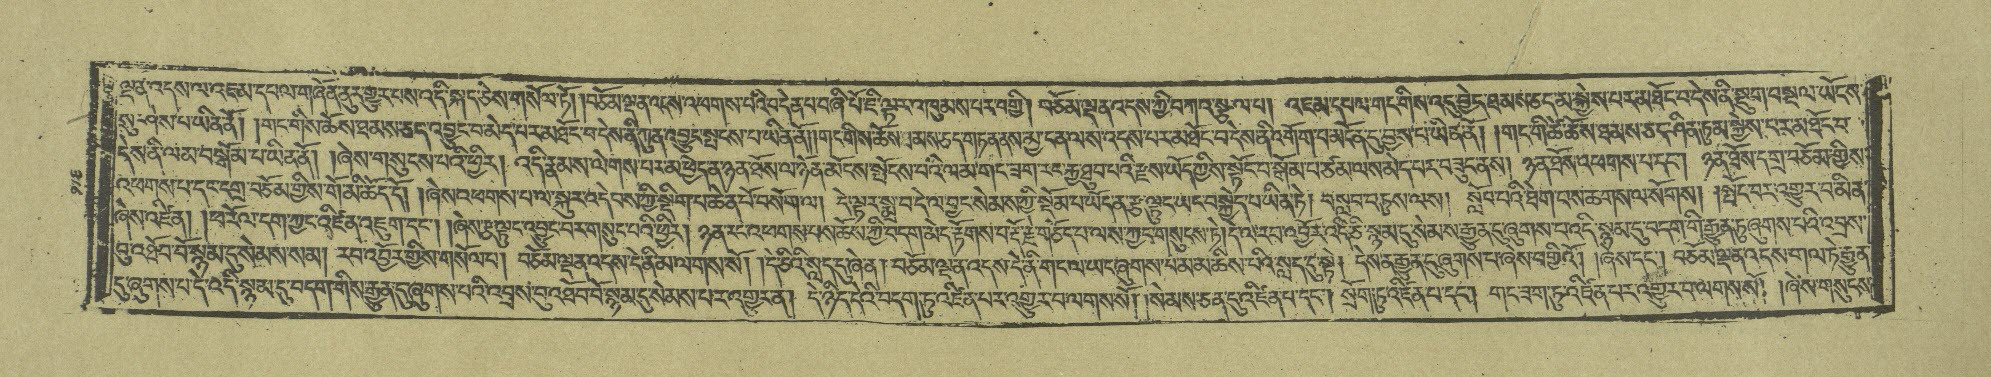ལྡན་འདས་ལ་འཇམ་དཔལ་གཞོན་ནུར་གྱུར་པས་འདི་སྐད་ཅེས་གསོལ་ཏོ། །བཅོམ་ལྡན་འདས་འཕགས་པའི་བདེན་པ་བཞི་པོ་ཇི་ལྟར་འཁུམས་པར་བགྱི། བཅོམ་ལྡན་འདས་ཀྱི་བཀའ་སྩལ་པ། འཇམ་དཔལ་གང་གིས་འདུ་བྱེད་ཐམས་ཅད་མ་སྐྱེས་པར་མཐོང་བ་དེས་ནི་སྡུག་བསྔལ་ཡོངས་
སུ་ཤེས་པ་ཡིན་ནོ། །གང་གིས་ཆོས་ཐམས་ཅད་འབྱུང་བ་མེད་པར་མཐོང་བ་དེས་ནི་ཀུན་འབྱུང་སྤངས་པ་ཡིན་ནོ། །གང་གིས་ཆོས་ཐམས་ཅད་གཏན་ནས་མྱ་ངན་ལས་འདས་པར་མཐོང་བ་དེས་ནི་འགོག་པ་མངོན་དུ་བྱས་པ་ཡིན་ནོ། །གང་གི་ཚེ་ཆོས་ཐམས་ཅད་ཤིན་ཏུ་མ་སྐྱེས་པར་མཐོང་བ་
དེས་ནི་ལམ་བསྒོམ་པ་ཡིན་ནོ། །ཞེས་གསུངས་པའི་ཕྱིར། འདི་རྣམས་ལེགས་པར་མ་ཕྱེད་ན་ཉན་ཐོས་ལ་ཉོན་མོངས་སྤོངས་པའི་ལམ་གང་ཟག་རང་རྐྱ་ཐུབ་པའི་རྫས་ཡོད་ཀྱིས་སྟོང་པ་སྒོམ་པ་ཙམ་ལས་མེད་པར་བཟུང་ནས། ཉན་ཐོས་འཕགས་པ་དང་། ཉན་ཐོས་དགྲ་བཅོམ་གྱིས་
འཕགས་པ་དང་དགྲ་བཅོམ་གྱིས་གོ་མི་ཆོད་དོ། །ཞེས་འཕགས་པ་ལ་སྐུར་འདེབས་ཀྱི་སྡིག་པ་ཆེན་པོ་བསོག་ལ། དེ་ལྟར་སྨྲ་བ་དེ་ལ་བྱང་སེམས་ཀྱི་སྡོམ་པ་ཡོད་ན་རྩ་ལྟུང་ཡང་བསྐྱེད་པ་ཡིན་ཏེ། བསླབ་བཏུས་ལས། སློབ་པའི་ཐེག་པས་ཆགས་ལ་སོགས། །སྤོང་བར་འགྱུར་བ་མིན་
ཞེས་འཛིན། །ཕ་རོལ་དག་ཀྱང་འཛིན་འཇུག་དང་། །ཞེས་རྩ་ལྟུང་འབྱུང་བར་གསུང་པའི་ཕྱིར། ཉན་རང་འཕགས་པས་ཆོས་ཀྱི་བདག་མེད་རྟོགས་པ་རྡོ་རྗེ་གཅོད་པ་ལས་ཀྱང་གསུངས་ཏེ། དེ་ལ་རབ་འབྱོར་འདི་ཅི་སྙམ་དུ་སེམས་རྒྱུན་དུ་ཞུགས་པ་འདི་སྙམ་དུ་བདག་གི་རྒྱུན་ཏུ་ཞུགས་པའི་འབྲས་
བུ་འཐོབ་བོ་སྙམ་དུ་སེམས་སམ། རབ་འབྱོར་གྱིས་གསོལ་པ། བཅོམ་ལྡན་འདས་དེ་ནི་མ་ལགས་སོ། །དེ་ཅིའི་སླད་དུ་ཞེ་ན། བཅོམ་ལྡན་འདས་དེ་ནི་གང་ལ་ཡང་ཞུགས་པ་མ་མཆིས་པའི་སླད་དུ་སྟེ། དེས་ན་རྒྱུན་དུ་ཞུགས་པ་ཞེས་བགྱིའོ། །ཞེས་དང་། བཅོམ་ལྡན་འདས་གལ་ཏེ་རྒྱུན་
དུ་ཞུགས་པ་དེ་འདི་སྙམ་དུ་བདག་གིས་རྒྱུན་དུ་ཞུགས་པའི་འབྲས་བུ་འཐོབ་བོ་སྙམ་དུ་སེམས་པར་འགྱུར་ན། དེ་ཉིད་དེའི་བདག་ཏུ་འཛིན་པར་འགྱུར་བ་ལགས་སོ། །སེམས་ཅན་དུ་འཛིན་པ་དང་། སྲོག་ཏུ་འཛིན་པ་དང་། གང་ཟག་ཏུ་འཛིན་པར་འགྱུར་བ་ལགས་སོ། །ཞེས་གསུངས་